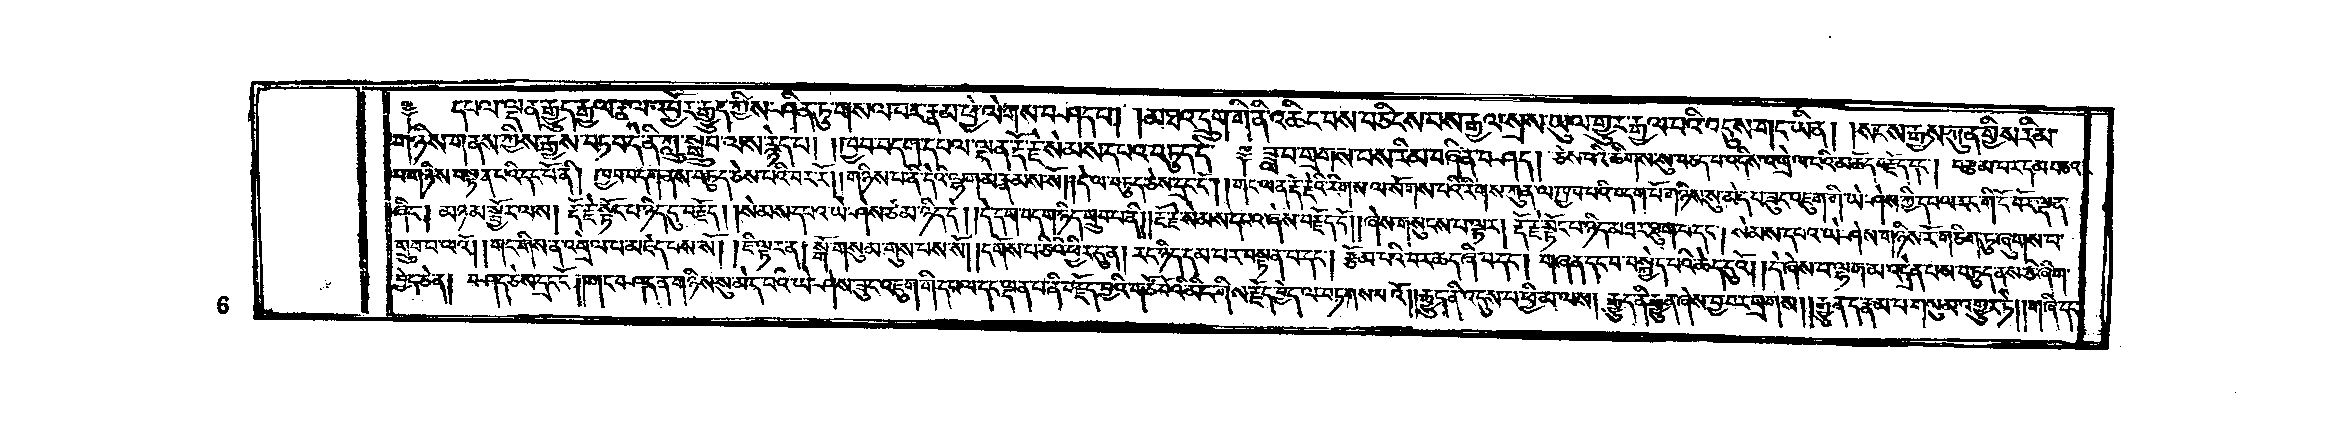༈ དཔལ་ལྡན་རྒྱུད་རྒྱལ་རྣལ་འབྱོར་རྒྱུད་ཀྱིས་ཤིན་ཏུ་གསལ་བར་རྣམ་ཕྱེ་ལེགས་བཤད་པ། །མཐའ་དྲུག་གི་ནི་འཆིང་བས་བཅིངས་པས་རྒྱལ་སྲས་ཡུལ་གྱུར་རྒྱལ་བའི་འདུས་གང་ཡིན། །སངས་རྒྱས་ཀུན་གྱིས་རིམ་
གཉིས་གནས་ཀྱིས་རྒྱས་བཏབ་དེ་ནི་ཀླུ་སྒྲུབ་ལས་རྙེད་པ། །ཁྱབ་བདག་དཔལ་ལྡན་རྡོ་རྗེ་སེམས་དཔའ་བཏུད་དེ་༈ ཟླ་བ་གྲགས་པས་རིམ་བཞིན་བཤད། ཅེས་པའི་ཚིགས་སུ་བཅད་པ་འདིས་འགྲེལ་བའི་མཆོད་བརྗོད་དང་། བརྩམ་པར་དམ་བཅའ་
བ་གཉིས་བསྟན་པའི་དང་པོ་ནི། ཁྱབ་བདག་ནས་བཏུད་ཅེས་པའི་བར་རོ། །གཉིས་པ་ནི་དེའི་ལྷག་མ་རྣམས་སོ། །དེ་ལ་བཏུད་ཅེས་དྲང་ངོ། །གང་ལ་ན་རྡོ་རྗེའི་རིགས་ལ་སོགས་པའི་རིགས་ཀུན་ལ་ཁྱབ་པའི་བདག་པོ་གཉིས་སུ་མེད་པ་ཟུང་འཇུག་གི་ཡེ་ཤེས་ཀྱི་དཔལ་རང་གི་ངོ་བོར་ལྡན་
ཞིང་། མཉམ་སྦྱོར་ལས། རྡོ་རྗེ་སྟོང་པ་ཉིད་དུ་བརྗོད། །སེམས་དཔའ་ཡེ་ཤེས་ཙམ་ཉིད་དེ། །དེ་དག་བདག་ཉིད་གྲུབ་པ་ནི། །རྡོ་རྗེ་སེམས་དཔའ་ཞེས་བརྗོད་དོ། །ཞེས་གསུངས་པ་ལྟར། །རྡོ་རྗེ་སྟོང་པ་ཉིད་མཐར་ཐུག་པ་དང་། སེམས་དཔའ་ཡེ་ཤེས་གཉིས་རོ་གཅིག་ཏུ་ཞུགས་པ་
གྲུབ་པ་ལའོ། །གང་གིས་ན་འགྲེལ་པ་མཛད་པས་སོ། །ཇི་ལྟར་ན། སྒོ་གསུམ་གུས་པས་སོ། །དགོས་པ་ཅིའི་ཕྱིར་དུ་ན། རང་ཉིད་དམ་པར་བསྟན་པ་དང་། རྩོམ་པའི་བར་ཆད་ཞི་བ་དང་། གཞན་དང་བ་བསྐྱེད་པའི་ཆེད་དུའོ། །དེ་ཞེས་པ་ལྷག་མ་འདྲེན་པས་བཏུད་ནས་ཅི་ཞིག་
བྱེད་ཅེ་ན། བཤད་ཅེས་དྲང་ངོ། །གང་བཤད་ན་གཉིས་སུ་མེད་པའི་ཡེ་ཤེས་ཟུང་འཇུག་གི་དཔལ་དང་ལྡན་པ་ནི་བརྗོད་བྱའི་གཙོ་བོའི་མིང་གིས་རྗོད་བྱེད་ལ་བཏགས་པའོ། །རྒྱུད་ནི་འདུས་པ་ཕྱི་མ་ལས། རྒྱུད་ནི་རྒྱུན་ཞེས་བྱ་བར་གྲགས། །རྒྱུན་དེ་རྣམ་པ་གསུམ་འགྱུར་ཏེ། །གཞི་དང་